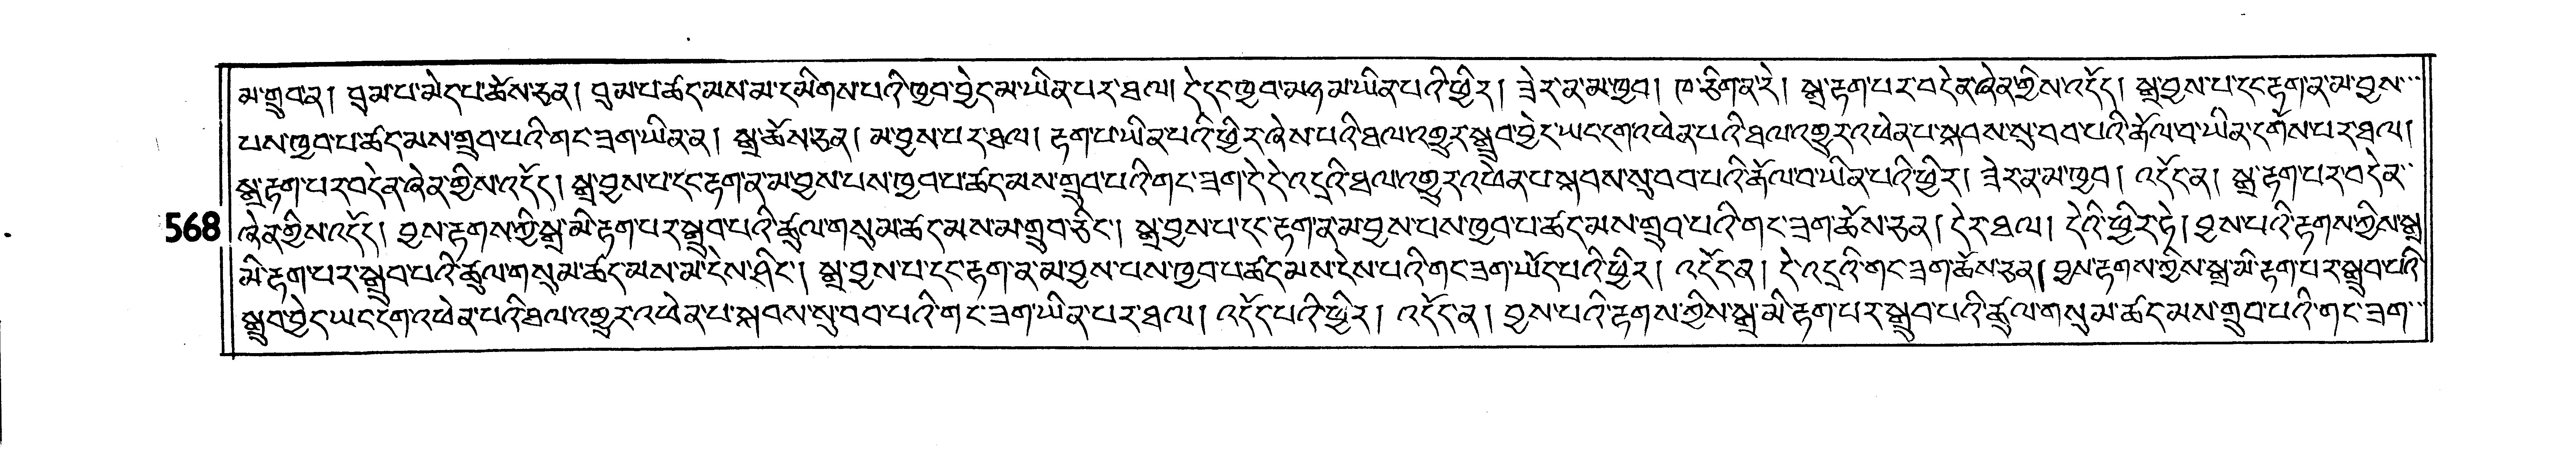མ་གྲུབ་ན། བུམ་པ་མེད་པ་ཆོས་ཅན། བུམ་པ་ཚད་མས་མ་དམིགས་པའི་ཁྱབ་བྱེད་མ་ཡིན་པར་ཐལ། དེ་དང་ཁྱབ་མཉམ་ཡིན་པའི་ཕྱིར། ཟེར་ན་མ་ཁྱབ། ཁ་ཅིག་ན་རེ། སྒྲ་རྟག་པར་བདེན་ཞེན་གྱིས་འདོད། སྒྲ་བྱས་པ་དང་རྟག་ན་མ་བྱས་
པས་ཁྱབ་པ་ཚད་མས་གྲུབ་པའི་གང་ཟག་ཡིན་ན། སྒྲ་ཆོས་ཅན། མ་བྱས་པར་ཐལ། རྟག་པ་ཡིན་པའི་ཕྱིར་ཞེས་པའི་ཐལ་འགྱུར་སྒྲུབ་བྱེད་ཡང་དག་འཕེན་པའི་ཐལ་འགྱུར་འཕེན་པ་སྐབས་སུ་བབ་པའི་རྒོལ་བ་ཡིན་དགོས་པར་ཐལ།
སྒྲ་རྟག་པར་བདེན་ཞེན་གྱིས་འདོད། སྒྲ་བྱས་པ་དང་རྟག་ན་མ་བྱས་པས་ཁྱབ་པ་ཚད་མས་གྲུབ་པའི་གང་ཟག་དེ་དེ་འདྲའི་ཐལ་འགྱུར་འཕེན་པ་སྐབས་སུ་བབ་པའི་རྒོལ་བ་ཡིན་པའི་ཕྱིར། ཟེར་ན་མ་ཁྱབ། འདོད་ན། སྒྲ་རྟག་པར་བདེན་
ཞེན་གྱིས་འདོད། བྱས་རྟགས་ཀྱི་སྒྲ་མི་རྟག་པར་སྒྲུབ་པའི་ཚུལ་གསུམ་ཚད་མས་མ་གྲུབ་ཅིང་། སྒྲ་བྱས་པ་དང་རྟག་ན་མ་བྱས་པས་ཁྱབ་པ་ཚད་མས་གྲུབ་པའི་གང་ཟག་ཆོས་ཅན། དེར་ཐལ། དེའི་ཕྱིར་ཏེ། བྱས་པའི་རྟགས་ཀྱིས་སྒྲ་
མི་རྟག་པར་སྒྲུབ་པའི་ཚུལ་གསུམ་ཚད་མས་མ་ངེས་ཤིང་། སྒྲ་བྱས་པ་དང་རྟག་ན་མ་བྱས་པས་ཁྱབ་པ་ཚད་མས་ངེས་པའི་གང་ཟག་ཡོད་པའི་ཕྱིར། འདོད་ན། དེ་འདྲའི་གང་ཟག་ཆོས་ཅན། བྱས་རྟགས་ཀྱིས་སྒྲ་མི་རྟག་པར་སྒྲུབ་པའི་
སྒྲུབ་བྱེད་ཡང་དག་འཕེན་པའི་ཐལ་འགྱུར་འཕེན་པ་སྐབས་སུ་བབ་པའི་གང་ཟག་ཡིན་པར་ཐལ། འདོད་པའི་ཕྱིར། འདོད་ན། བྱས་པའི་རྟགས་ཀྱིས་སྒྲ་མི་རྟག་པར་སྒྲུབ་པའི་ཚུལ་གསུམ་ཚད་མས་གྲུབ་པའི་གང་ཟག་